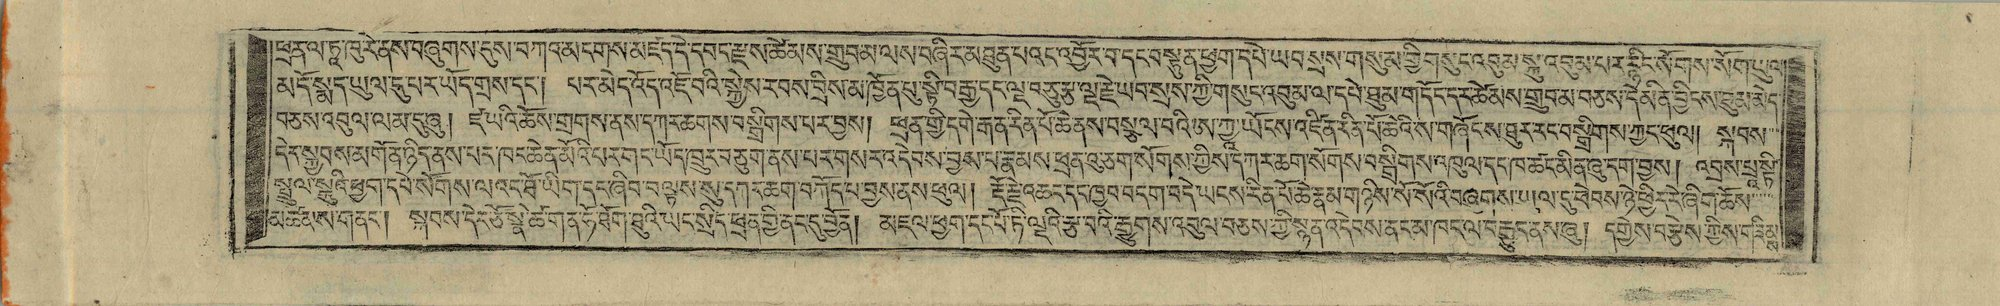ཕྲན་ལ་ཏཱ་ཁུ་རེ་ནས་བཞུགས་དུས་བཀའ་མངགས་མཛད་དེ་དབང་རྫས་ཚེམས་གྲུབ་མ་ལས་བཞིར་མཐུན་པའང་འབྱོར་བ་དང་བསྟུན་ཕྱག་དཔེ་ཡབ་སྲས་གསུམ་གྱི་གསུང་འབུམ་སྐུ་འབུམ་པར་རྙིང་སོགས་སོག་ཡུལ་
མདོ་སྨད་ཡུལ་དུ་པར་ཡོད་གྲས་དང་། པར་མེད་འོད་འཇོ་བའི་སྐྱེས་རབས་བྲིས་མ་ཁྱོན་པུ་སྟི་བརྒྱ་དང་ལྔ་བཅུ་རྩ་ལྔ་རྗེ་ཡབ་སྲས་ཀྱི་གསུང་འབུམ་ལ་དཔེ་ཐུམ་གདོང་དར་ཚེམས་གྲུབ་མ་བཅས་དེ་མིན་བྱིངས་ཐུམ་མེད་
བཅས་འབུལ་ལམ་དུ་ཞུ། ཛ་ཡའི་ཆོས་གྲགས་ནས་དཀར་ཆགས་བསྒྲིགས་པར་བྱས། ཕྲན་གྱི་དགེ་རྒན་རིན་པོ་ཆེ་ནས་བསྩལ་བའི་ཨ་ཀྱཱ་ཡོངས་འཛིན་རིན་པོ་ཆེའི་ས་གཞོང་ས་ཐུར་རང་བསྒྲིགས་ཀྱང་ཕུལ། སྐབས་
དེར་སྐྱབས་མགོན་ཉིད་ནས་པར་ཁང་ཆེན་མོའི་པར་གང་ཡོད་ཁྲུར་བཅུག་ནས་པར་གསར་འདེབས་བྱས་པ་རྣམས་ཕྲན་འུ་ཅག་སོགས་ཀྱིས་དཀར་ཆག་སོགས་བསྒྲིགས་འཁུལ་དང་ཁ་ཚང་མིན་ཞུ་དག་བྱས། འབྲས་པྲཱ་སྟི་
སྤྲུལ་སྐུའི་ཕྱག་དཔེ་སོགས་ལའང་ཐོ་ཡིག་དང་ཞིབ་བལྟས་སུ་དཀར་ཆག་བཀོད་པ་བྱས་ནས་ཕུལ། རྡོ་རྗེ་འཆང་དང་ཁྱབ་བདག་བདེ་ཡངས་རིན་པོ་ཆེ་རྣམ་གཉིས་སོ་སོའི་བཞུགས་ཡུལ་དུ་ཕེབས་ཉེ་ཕྱིར་རེ་ཞིག་ཆོས་
མཚམས་གནང་། སྐབས་དེར་ཅོ་སྣེ་ཚ་གན་ཧོ་ཐོག་ཐུའི་ཡང་སྲིད་ཕྲན་གྱི་ནང་དུ་བྱོན། མཇལ་ཕྱག་དང་པོ་ཏི་ལྔའི་རྩ་བའི་རྒྱུགས་འབུལ་བཅས་ཀྱི་སྙན་འདེབས་ནང་མ་ཁང་ལ་བརྒྱུད་ནས་ཞུ། དགྱེས་བརྩེས་ཀྱིས་གཟིམས་